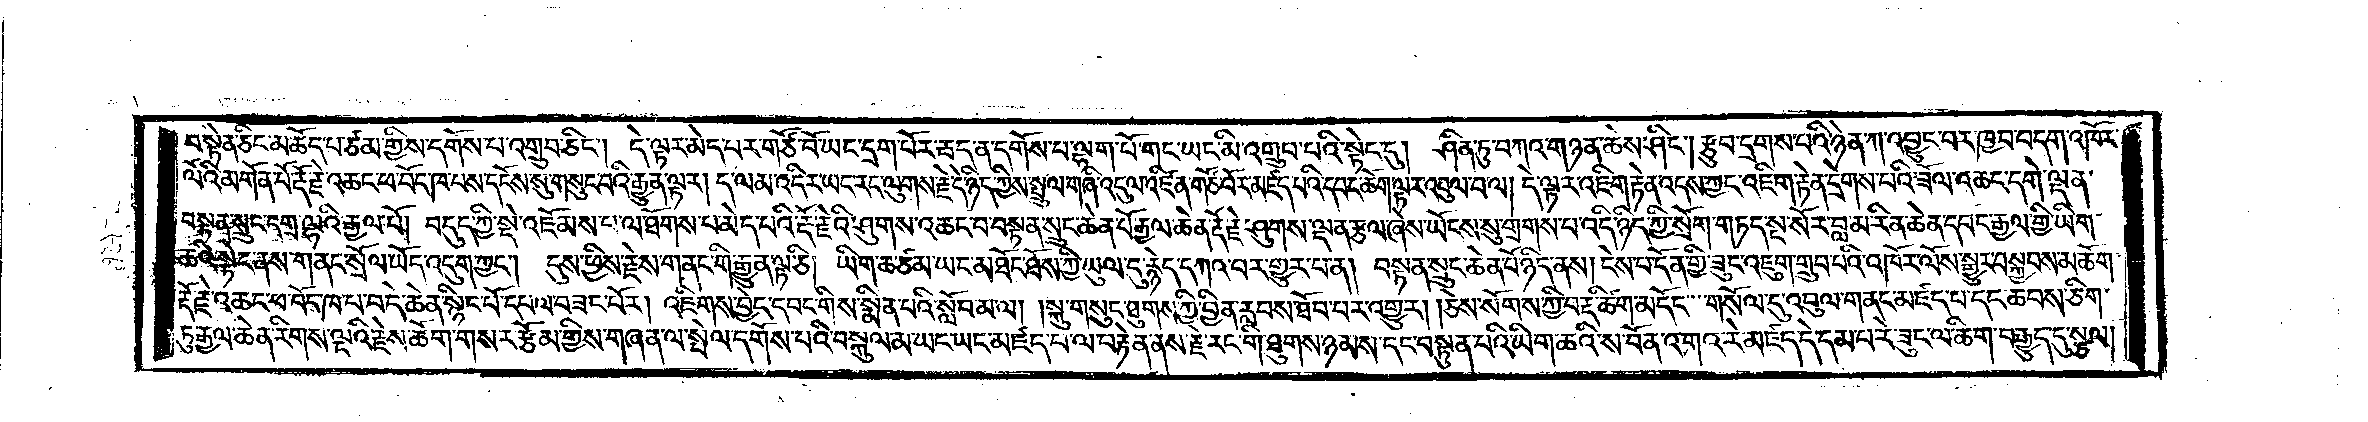བསྟེན་ཅིང་མཚད་པ་ཙམ་གྱིས་དགོས་པ་འགྲུབ་ཅིང་། དེ་ལྟར་མེད་པར་གཙོ་བོ་ཡང་དྲག་པོར་རྦད་ན་དགོས་པ་ལྷག་པོ་གང་ཡང་མི་འགྲུབ་པའི་སྟེང་དུ། ཤིན་ཏུ་བཀའ་གཉན་ཆེས་ཤིང་། རྩུབ་དྲགས་པའི་ཉེན་ཀ་འབྱུང་བར་ཁྱབ་བདག་འཁོར་
ལོའི་མགོན་པོ་རྡོ་རྗེ་འཆང་ཕ་བོང་ཁ་པས་དངོས་སུ་གསུང་བའི་རྒྱུན་ལྟར། ད་ལམ་འདིར་ཡང་རང་ལུགས་རྗེ་དེ་ཉིད་ཀྱིས་སྤྲུལ་གཞི་འདུལ་འཛིན་གཙོ་བོར་མཛད་པའི་དབང་ཆོག་ལྟར་འབུལ་བ་ལ། དེ་ལྟར་འཇིག་རྟེན་འདས་ཀྱང་འཇིག་རྟེན་དྲེགས་པའི་ཟོལ་འཆང་དགེ་ལྡན་
བསྟན་སྲུང་དགྲ་ལྷའི་རྒྱལ་པོ། བདུད་ཀྱི་སྡེ་འཇོམས་པ་ལ་ཐོགས་པ་མེད་པའི་རྡོ་རྗེའི་ཤུགས་འཆང་བ་བསྟན་སྲུང་ཆེན་པོ་རྒྱལ་ཆེན་རྡོ་རྗེ་ཤུགས་ལྡན་རྩལ་ཞེས་ཡོངས་སུ་གྲགས་པ་འདི་ཉིད་ཀྱི་སྲོག་གཏད་སྔ་སོར་བླ་མ་རིན་ཆེན་དབང་རྒྱལ་གྱི་ཡིག་
ཆའི་སྟེང་ནས་གནང་སྲོལ་ཡོད་འདུག་ཀྱང་། དུས་ཕྱིས་རྗེས་གནང་གི་རྒྱུན་ལྟ་ཅི། ཡིག་ཆ་ཙམ་ཡང་མཐོང་ཐོས་ཀྱི་ཡུལ་དུ་རྙེད་དཀའ་བར་གྱུར་པ་ན། བསྟན་སྲུང་ཆེན་པོ་ཉིད་ནས། ངེས་པ་དོན་གྱི་ཟུང་འཇུག་གྲུབ་པའི་འཁོར་ལོས་སྒྱུར་བསྐྱབས་མཆོག་
རྡོ་རྗེ་འཆང་ཕ་བོང་ཁ་པ་བདེ་ཆེན་སྙིང་པོ་དཔལ་བཟང་པོར། འཇིགས་བྱེད་དབང་གིས་སྨིན་པའི་སློབ་མ་ལ། །སྐུ་གསུང་ཐུགས་ཀྱི་བྱིན་རླབས་ཐོབ་པར་འགྱུར། །ཅེས་སོགས་ཀྱི་བརྡ་ཚིག་མདོང་གསོལ་དུ་འབུལ་གནང་མཛད་པ་དང་ཆབས་ཅིག་
ཏུ་རྒྱལ་ཆེན་རིགས་ལྔའི་རྗེས་ཆོག་གསར་རྩོམ་གྱིས་གཞན་ལ་སྤེལ་དགོས་པའི་བསྐུལ་མ་ཡང་ཡང་མཛད་པ་ལ་བརྟེན་ནས་རྗེ་རང་གི་ཐུགས་ཉམས་དང་བསྟུན་པའི་ཡིག་ཆའི་ས་བོན་འགའ་རེ་མཛད་དེ་དམ་པ་རེ་ཟུང་ལ་ཆིག་བརྒྱུད་དུ་སྩལ།